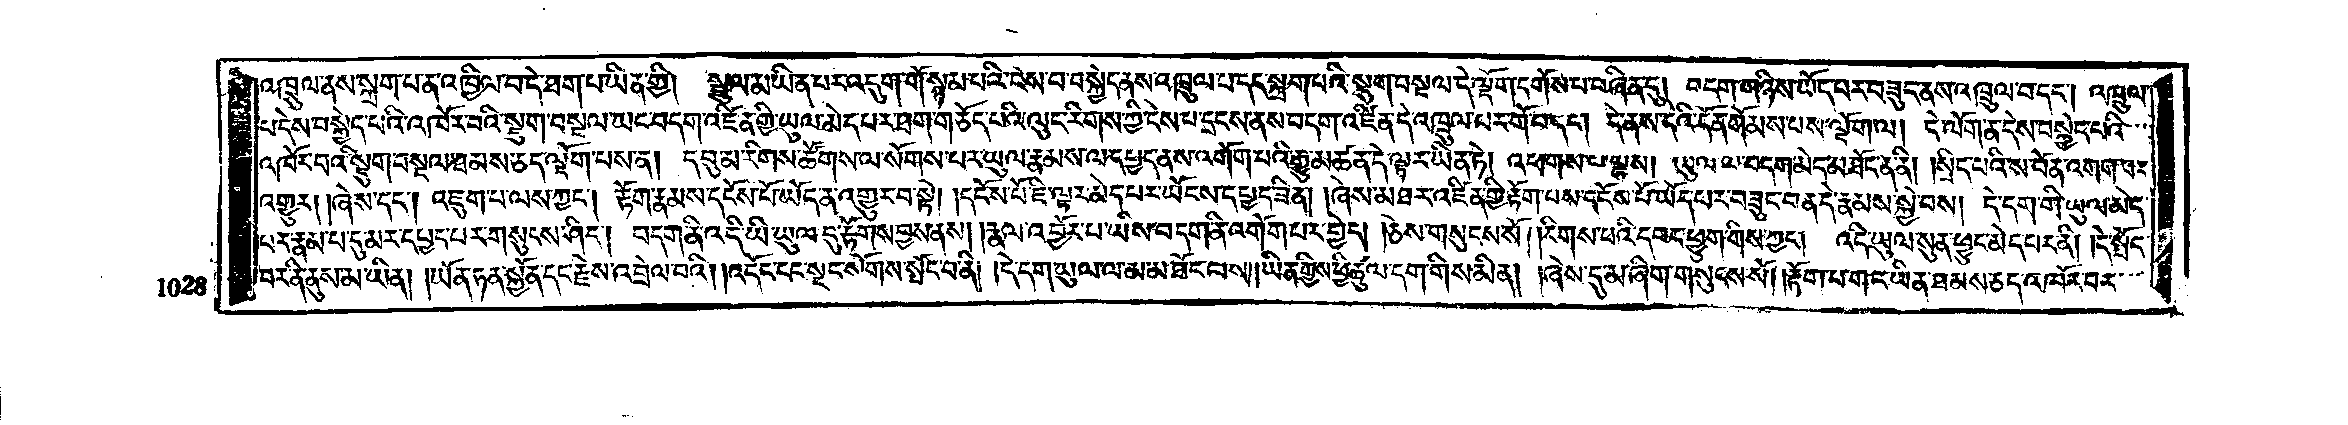འཁྲུལ་ནས་སྐྲག་པ་ན་འཁྱིལ་བ་དེ་ཐག་པ་ཡིན་གྱི། སྦྲུལ་མ་ཡིན་པར་འདུག་གོ་སྙམ་པའི་ངེས་པ་བསྐྱེད་ནས་འཁྲུལ་པ་དང་སྐྲག་པའི་སྡུག་བསྔལ་དེ་ལྡོག་དགོས་པ་བཞིན་དུ། བདག་གཉིས་ཡོད་པར་བཟུང་ནས་འཁྲུལ་བ་དང་། འཁྲུལ་
པ་དེས་བསྐྱེད་པའི་འཁོར་བའི་སྡུག་བསྔལ་ཡང་བདག་འཛིན་གྱི་ཡུལ་མེད་པར་ཐག་གཅོད་པའི་ལུང་རིགས་ཀྱི་ངེས་པ་དྲངས་ནས་བདག་འཛིན་དེ་འཁྲུལ་པར་གོ་བ་དང་། དེ་ནས་དེའི་དོན་གོམས་པས་ལྡོག་ལ། དེ་ལོག་ན་དེས་བསྐྱེད་པའི་
འཁོར་བའི་སྡུག་བསྔལ་ཐམས་ཅད་ལྡོག་པས་ན། དབུ་མ་རིགས་ཚོགས་ལ་སོགས་པར་ཡུལ་རྣམས་ལ་དཔྱད་ནས་འགོག་པའི་རྒྱུ་མཚན་དེ་ལྟར་ཡིན་ཏེ། འཕགས་པ་ལྷས། ཡུལ་ལ་བདག་མེད་མཐོང་ན་ནི། །སྲིད་པའི་ས་བོན་འགག་པར་
འགྱུར། །ཞེས་དང་། འཇུག་པ་ལས་ཀྱང་། རྟོག་རྣམས་དངོས་པོ་ཡོད་ན་འགྱུར་བ་སྟེ། །དངོས་པོ་ཇི་ལྟར་མེད་པར་ཡོངས་དཔྱད་ཟིན། །ཞེས་མཐར་འཛིན་གྱི་རྟོག་པས་དངོས་པོ་ཡོད་པར་བཟུང་བ་ན་དེ་རྣམས་སྐྱེ་བས། དེ་དག་གི་ཡུལ་མེད་
པར་རྣམ་པ་དུ་མར་དཔྱད་པར་གསུངས་ཤིང་། བདག་ནི་འདི་ཡི་ཡུལ་དུ་རྟོགས་བྱས་ནས། །རྣལ་འབྱོར་པ་ཡིས་བདག་ནི་འགོག་པར་བྱེད། །ཅེས་གསུངས་སོ། །རིགས་པའི་དབང་ཕྱུག་གིས་ཀྱང་། འདི་ཡུལ་སུན་ཕྱུང་མེད་པར་ནི། །དེ་སྤོང་
བར་ནི་ནུས་མ་ཡིན། །ཡོན་ཏན་སྐྱོན་དང་རྗེས་འབྲེལ་བའི། །འདོད་དང་སྡང་སོགས་སྤོང་བ་ནི། །དེ་དག་ཡུལ་ལ་མ་མཐོང་བས། །ཡིན་གྱིས་ཕྱི་ཚུལ་དག་གིས་མིན། །ཞེས་དུ་མ་ཞིག་གསུངས་སོ། །རྟོག་པ་གང་ཡིན་ཐམས་ཅད་འཁོར་བར་